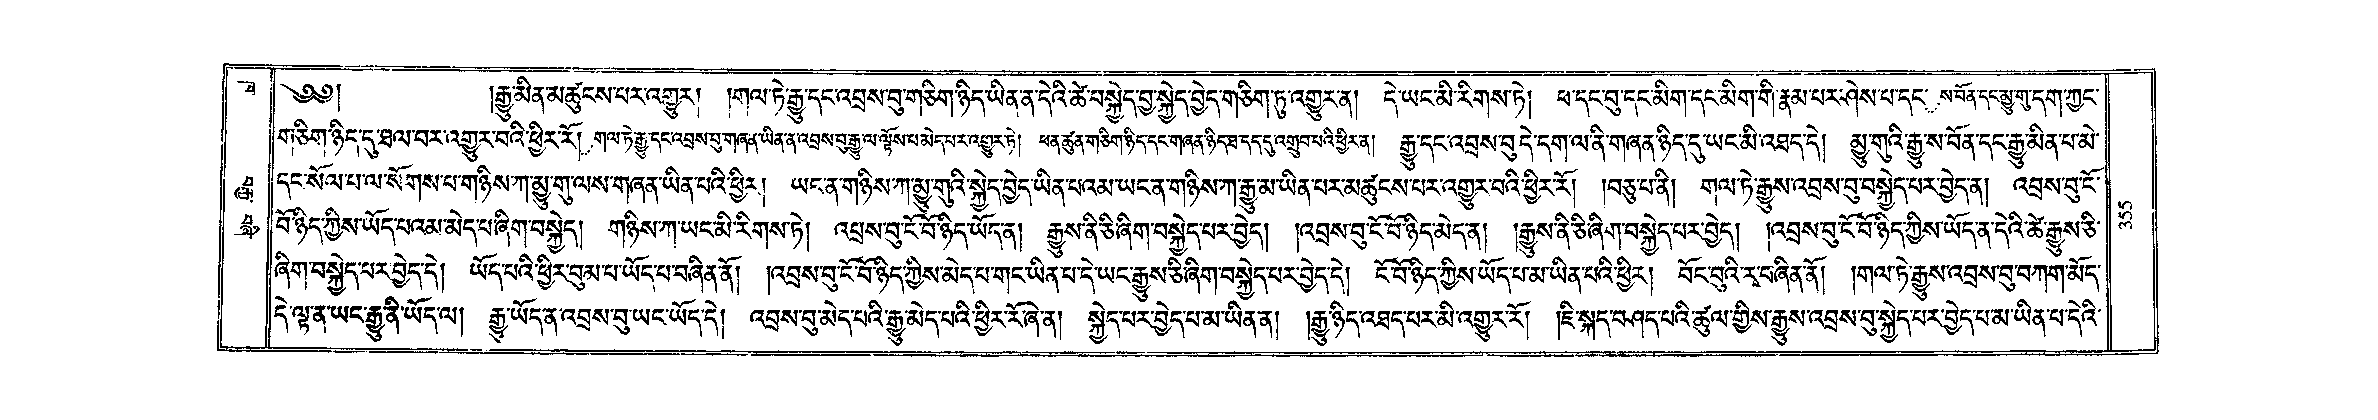༄༅། །རྒྱུ་མིན་མཚུངས་པར་འགྱུར། །གལ་ཏེ་རྒྱུ་དང་འབྲས་བུ་གཅིག་ཉིད་ཡིན་ན་དེའི་ཚེ་བསྐྱེད་བྱ་སྐྱེད་བྱེད་གཅིག་ཏུ་འགྱུར་ན། དེ་ཡང་མི་རིགས་ཏེ། ཕ་དང་བུ་དང་མིག་དང་མིག་གི་རྣམ་པར་ཤེས་པ་དང་ས་བོན་དང་མྱུ་གུ་དག་ཀྱང་
གཅིག་ཉིད་དུ་ཐལ་བར་འགྱུར་བའི་ཕྱིར་རོ། གལ་ཏེ་རྒྱུ་དང་འབྲས་བུ་གཞན་ཡིན་ན་འབྲས་བུ་རྒྱུ་ལ་ལྟོས་པ་མེད་པར་འགྱུར་ཏེ། ཕན་ཚུན་གཅིག་ཉིད་དང་གཞན་ཉིད་ཐ་དད་དུ་འགྲུབ་པའི་ཕྱིར་ན།  རྒྱུ་དང་འབྲས་བུ་དེ་དག་ལ་ནི་གཞན་ཉིད་དུ་ཡང་མི་འཐད་དེ། མྱུ་གུའི་རྒྱུ་ས་བོན་དང་རྒྱུ་མིན་པ་མེ་
དང་སོལ་པ་ལ་སོགས་པ་གཉིས་ཀ་མྱུ་གུ་ལས་གཞན་ཡིན་པའི་ཕྱིར། ཡང་ན་གཉིས་ཀ་མྱུ་གུའི་སྐྱེད་བྱེད་ཡིན་པའམ་ཡང་ན་གཉིས་ཀ་རྒྱུ་མ་ཡིན་པར་མཚུངས་པར་འགྱུར་བའི་ཕྱིར་རོ། །བཅུ་པ་ནི། གལ་ཏེ་རྒྱུས་འབྲས་བུ་བསྐྱེད་པར་བྱེད་ན། འབྲས་བུ་ངོ་
བོ་ཉིད་ཀྱིས་ཡོད་པའམ་མེད་པ་ཞིག་བསྐྱེད། གཉིས་ཀ་ཡང་མི་རིགས་ཏེ། འབྲས་བུ་ངོ་བོ་ཉིད་ཡོད་ན། རྒྱུས་ནི་ཅི་ཞིག་བསྐྱེད་པར་བྱེད། །འབྲས་བུ་ངོ་བོ་ཉིད་མེད་ན། །རྒྱུས་ནི་ཅི་ཞིག་བསྐྱེད་པར་བྱེད། །འབྲས་བུ་ངོ་བོ་ཉིད་ཀྱིས་ཡོད་ན་དེའི་ཚེ་རྒྱུས་ཅི་
ཞིག་བསྐྱེད་པར་བྱེད་དེ། ཡོད་པའི་ཕྱིར་བུམ་པ་ཡོད་པ་བཞིན་ནོ། །འབྲས་བུ་ངོ་བོ་ཉིད་ཀྱིས་མེད་པ་གང་ཡིན་པ་དེ་ཡང་རྒྱུས་ཅི་ཞིག་བསྐྱེད་པར་བྱེད་དེ། ངོ་བོ་ཉིད་ཀྱིས་ཡོད་པ་མ་ཡིན་པའི་ཕྱིར། བོང་བུའི་རྭ་བཞིན་ནོ། །གལ་ཏེ་རྒྱུས་འབྲས་བུ་བཀག་མོད་
དེ་ལྟ་ན་ཡང་རྒྱུ་ནི་ཡོད་ལ། རྒྱུ་ཡོད་ན་འབྲས་བུ་ཡང་ཡོད་དེ། འབྲས་བུ་མེད་པའི་རྒྱུ་མེད་པའི་ཕྱིར་རོ་ཞེ་ན། སྐྱེད་པར་བྱེད་པ་མ་ཡིན་ན། །རྒྱུ་ཉིད་འཐད་པར་མི་འགྱུར་རོ། །ཇི་སྐད་བཤད་པའི་ཚུལ་གྱིས་རྒྱུས་འབྲས་བུ་སྐྱེད་པར་བྱེད་པ་མ་ཡིན་པ་དེའི་